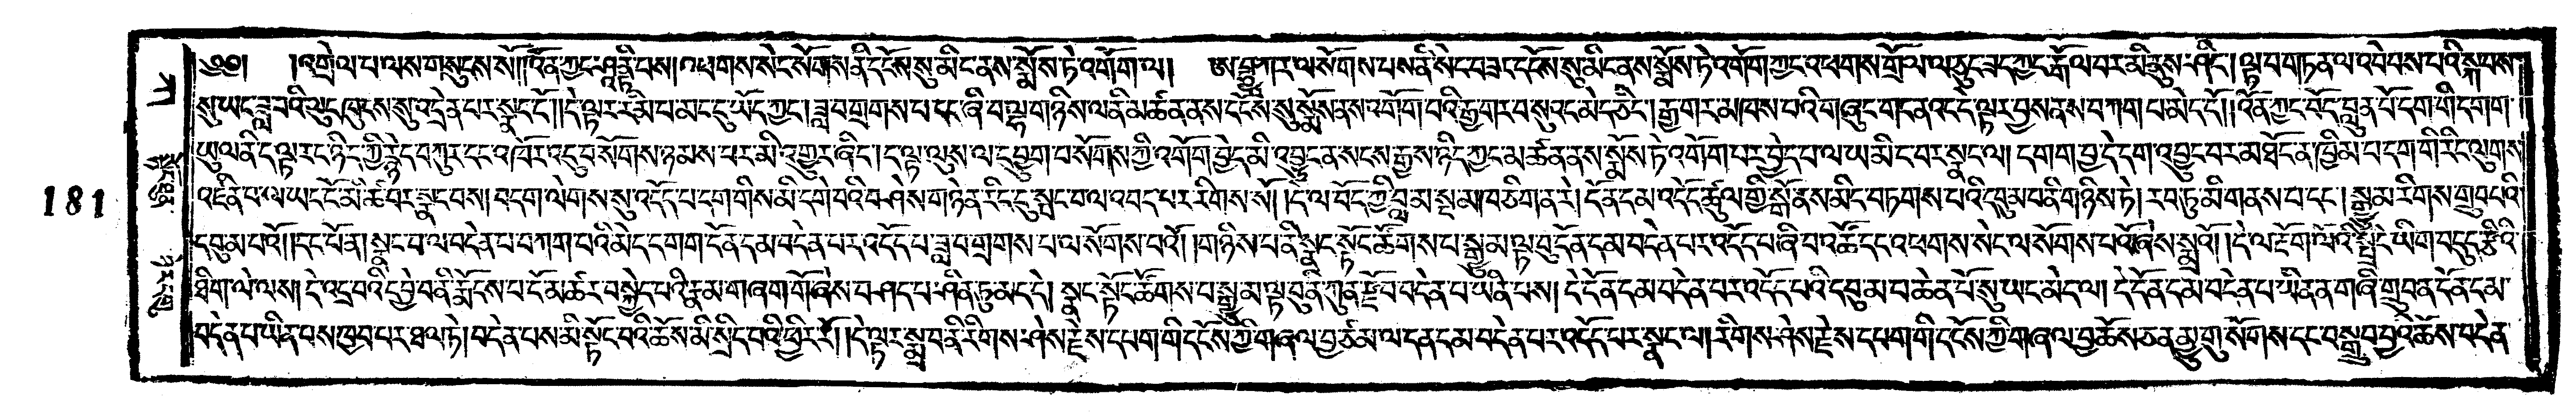༄༅། །འགྲེལ་པ་ལས་གསུངས་སོ། །འོན་ཀྱང་ཤཱནྟི་བས། འཕགས་སེང་སོགས་ནི་དངོས་སུ་མིང་ནས་སྨོས་ཏེ་འགོག་ལ། ཨ་བྷྱཱ་ཀ་ར་ལ་སོགས་པས་ནི་སེང་བཟང་དངོས་སུ་མིང་ནས་སྨོས་ཏེ་འགོག་ཀྱང་འཕགས་གྲོལ་ལ་ཅུང་ཟད་ཀྱང་རྒོལ་བར་མི་ནུས་ཤིང་། ལྟ་བ་གཏན་ལ་འབེབས་པའི་སྐབས་
སུ་ཡང་ཟླ་བའི་ལུང་ཁུངས་སུ་འདྲེན་པར་སྣང་ངོ། །དེ་ལྟར་རིམ་པ་མང་དུ་ཡོད་ཀྱང་། ཟླ་བ་གྲགས་པ་དང་ཞི་བ་ལྷ་གཉིས་ལ་ནི་མཚན་ནས་དངོས་སུ་སྨོས་ནས་འགོག་པའི་རྒྱ་གར་བ་སུའང་མེད་ཅིང་། རྒྱ་གར་མཁས་པའི་གཞུང་གང་ནའང་དེ་ལྟར་བྱས་ནས་བཀག་པ་མེད་དོ། །འོན་ཀྱང་བོད་བླུན་པོ་དགག་གི་དགག་
ཡུལ་ནི་ད་ལྟ་རང་ཉིད་ཀྱི་རྙེད་བཀུར་དང་འཁོར་འདུ་བ་སོགས་ཉམས་པར་མི་འགྱུར་ཞིང་། ད་ལྟ་ལུས་ལ་དབྱུག་བ་སོགས་ཀྱི་འགོག་བྱེད་མི་འབྱུང་ན་སངས་རྒྱས་ཉིད་ཀྱང་མཚན་ནས་སྨོས་ཏེ་འགོག་པར་བྱེད་པ་ལ་ཡ་མིང་བར་སྣང་ལ། དགག་བྱ་དེ་དག་འབྱུང་བར་མཐོང་ན་ཁྱིམ་པ་དག་གི་རིང་ལུགས་
འཛིན་པ་ལ་ཡང་ངོ་མི་ཚ་བར་སྣང་བས། བདག་ལེགས་སུ་འདོད་པ་དག་གིས་མི་དགེ་བའི་བཤེས་གཉེན་རིང་དུ་སྦང་བ་ལ་འབད་པར་རིགས་སོ། །དེ་ལ་བོད་ཀྱི་བླ་མ་སྔ་མ་ཁ་ཅིག་ན་རེ། དོན་དམ་འདོད་ཚུལ་གྱི་སྒོ་ནས་མིང་བཏགས་པའི་དབུ་མ་བ་ནི་གཉིས་ཏེ། རབ་ཏུ་མི་གནས་པ་དང་། སྒྱུ་མ་རིགས་གྲུབ་པའི་
དབུ་མ་པའོ། །དང་པོ་ན། སྣང་བ་ལ་བདེན་པ་བཀག་པའི་མེད་དགག་དོན་དམ་བདེན་པར་འདོད་པ་ཟླ་བ་གྲགས་པ་ལ་སོགས་པའོ། །གཉིས་པ་ནི་སྣང་སྟོང་ཚོགས་པ་སྒྱུ་མ་ལྟ་བུ་དོན་དམ་བདེན་པར་འདོད་པ་ཞི་བ་འཚོ་དང་འཕགས་སེང་ལ་སོགས་པའོ་ཞེས་སྨྲའོ། །དེ་ལ་རྡོག་ལོའི་སྤྲིང་ཡིག་བདུད་རྩིའི་
ཐིག་ལེ་ལས། དེ་འདྲ་བའི་དབྱེ་བ་ནི་རྨོངས་པ་ངོ་མཚར་བསྐྱེད་པའི་རྣམ་གཞག་གོ་ཞེས་བཤད་པ་ཤིན་ཏུ་མེད་དེ། སྣང་སྟོང་ཚོགས་པ་སྒྱུ་མ་ལྟ་བུ་ནི་ཀུན་རྫོབ་བདེན་པ་ཡིན་པས། དེ་དོན་དམ་བདེན་པར་འདོད་པའི་དབུ་མ་པ་ཆེན་པོ་སུ་ཡང་མེད་ལ། དེ་དོན་དམ་བདེན་པ་ཡིན་ན་གཞི་གྲུབ་ན་དོན་དམ་
བདེན་པ་ཡིན་པས་ཁྱབ་?་པར་ཐལ་ཏེ། བདེན་པས་མི་སྟོང་བའི་ཆོས་མི་སྲིད་བའི་ཕྱིར་རོ། །དེ་ལྟར་སྨྲ་བ་ནི་རིགས་ཤེས་རྗེས་དཔག་གི་དངོས་ཀྱི་གཞལ་བྱ་ཙམ་ལ་དོན་དམ་བདེན་པར་འདོད་པར་སྣང་ལ། རིགས་ཤེས་རྗེས་དཔག་གི་དངོས་ཀྱི་གཞལ་བྱ་ཆོས་ཅན་མྱུ་གུ་སོགས་དང་བསྒྲུབ་བྱའི་ཆོས་བདེན་